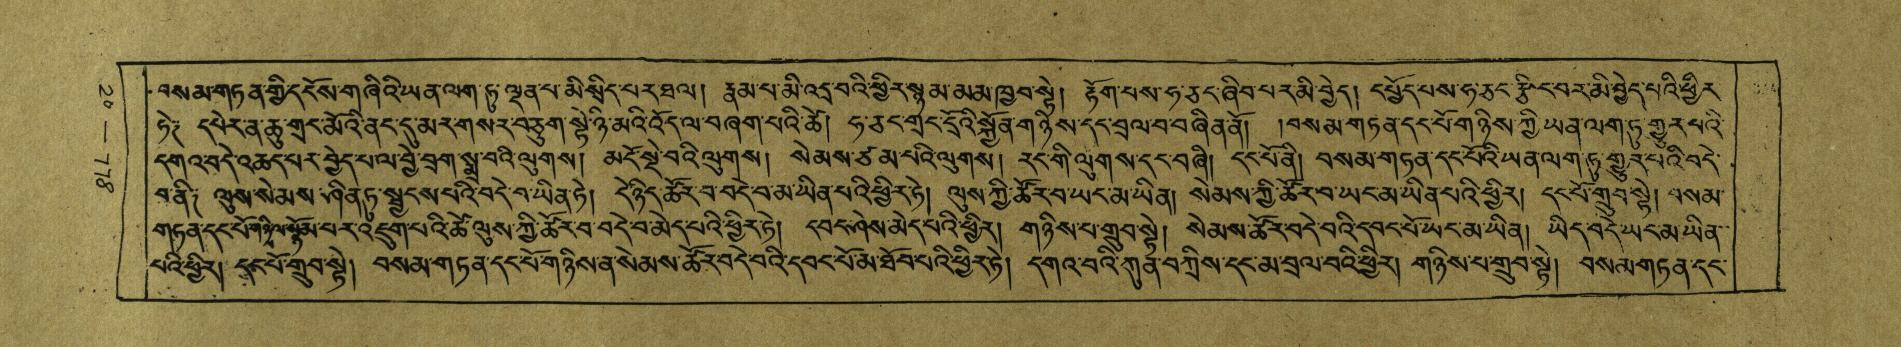བསམ་གཏན་གྱི་དངོས་གཞིའི་ཡན་ལག་ཏུ་ལྡན་པ་མི་སྲིད་པར་ཐལ། རྣམ་པ་མི་འདྲ་བའི་ཕྱིར་སྙམ་མམ་ཁྱབ་སྟེ། རྟོག་པས་ཧ་ཅང་ཞིབ་པར་མི་བྱེད། དཔྱོད་པས་ཧ་ཅང་རྩིང་བར་མི་བྱེད་པའི་ཕྱིར་
ཏེ༑ དཔེར་ན་ཆུ་གྲང་མོའི་ནང་དུ་མར་གསར་བཅུག་སྟེ་ཉི་མའི་འོད་ལ་བཞག་པའི་ཚེ། ཧ་ཅང་གྲང་དྲོའི་སྐྱོན་གཉིས་དང་བྲལ་བ་བཞིན་ནོ། །བསམ་གཏན་དང་པོ་གཉིས་ཀྱི་ཡན་ལག་ཏུ་གྱུར་པའི་
དགའ་བདེ་འཆད་པར་བྱེད་པ་ལ་བྱེ་བྲག་སྨྲ་བའི་ལུགས། མདོ་སྡེ་བའི་ལུགས། སེམས་ཙམ་པའི་ལུགས། རང་གི་ལུགས་དང་བཞི། དང་པོ་ནི། བསམ་གཏན་དང་པོའི་ཡན་ལག་ཏུ་གྱུར་པའི་བདེ་
བ་ནི༑ ལུས་སེམས་ཤིན་ཏུ་སྦྱངས་པའི་བདེ་བ་ཡིན་ཏེ། དེ་ཉིད་ཚོར་བ་བདེ་བ་མ་ཡིན་པའི་ཕྱིར་ཏེ། ལུས་ཀྱི་ཚོར་བ་ཡང་མ་ཡིན། སེམས་ཀྱི་ཚོར་བ་ཡང་མ་ཡིན་པའི་ཕྱིར། དང་པོ་གྲུབ་སྟེ། བསམ་
གཏན་དང་པོ་གཉིས་ལ་སྙོམ་པར་འཇུག་པའི་ཚེ་ལུས་ཀྱི་ཚོར་བ་བདེ་བ་མེད་པའི་ཕྱིར་ཏེ། དབང་ཤེས་མེད་པའི་ཕྱིར། གཉིས་པ་གྲུབ་སྟེ། སེམས་ཚོར་བདེ་བའི་དབང་པོ་ཡང་མ་ཡིན། ཡིད་བདེ་ཡང་མ་ཡིན་
པའི་ཕྱིར། དང་པོ་གྲུབ་སྟེ། བསམ་གཏན་དང་པོ་གཉིས་ན་སེམས་ཚོར་བདེ་བའི་དབང་པོ་མ་ཐོབ་པའི་ཕྱིར་ཏེ། དགའ་བའི་ཀུན་བཀྲིས་དང་མ་བྲལ་བའི་ཕྱིར། གཉིས་པ་གྲུབ་སྟེ། བསམ་གཏན་དང་